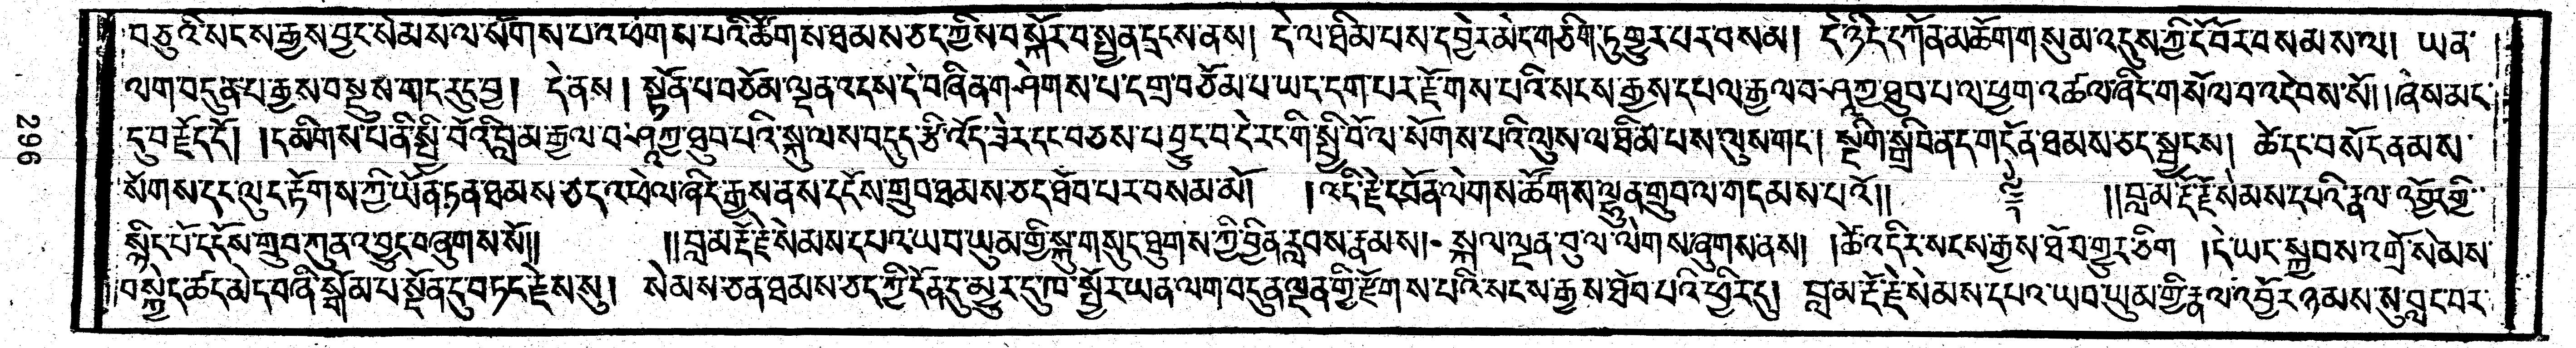བཅུའི་སངས་རྒྱས་བྱང་སེམས་ལ་སོགས་པ་འཕགས་པའི་ཚོགས་ཐམས་ཅད་ཀྱིས་བསྐོར་བ་སྤྱན་དྲངས་ནས། དེ་ལ་ཐིམ་པས་དབྱེར་མེད་གཅིག་ཏུ་གྱུར་པར་བསམ། དེ་ཉིད་དཀོན་མཆོག་གསུམ་འདུས་ཀྱི་ངོ་བོར་བསམས་ལ། ཡན་
ལག་བདུན་པ་རྒྱས་བསྡུས་གང་རུང་བྱ། དེ་ནས། སྟོན་པ་བཅོམ་ལྡན་འདས་དེ་བཞིན་གཤེགས་པ་དགྲ་བཅོམ་པ་ཡང་དག་པར་རྫོགས་པའི་སངས་རྒྱས་དཔལ་རྒྱལ་བ་ཤཱཀྱ་ཐུབ་པ་ལ་ཕྱག་འཚལ་ཞིང་གསོལ་བ་འདེབས་སོ། །ཞེས་མང་
དུ་བརྗོད་དོ། །དམིགས་པ་ནི་སྤྱི་བོའི་བླ་མ་རྒྱལ་བ་ཤཱཀྱ་ཐུབ་པའི་སྐུ་ལས་བདུད་རྩི་འོད་ཟེར་དང་བཅས་པ་བྱུང་བ་དེ་རང་གི་སྤྱི་བོ་ལ་སོགས་པའི་ལུས་ལ་ཐིམ་པས་ལུས་གང་། སྡིག་སྒྲིབ་ནད་གདོན་ཐམས་ཅད་སྦྱངས། ཚེ་དང་བསོད་ནམས་
སོགས་དང་ལུང་རྟོགས་ཀྱི་ཡོན་ཏན་ཐམས་ཅད་འཕེལ་ཞིང་རྒྱས་ནས་དངོས་གྲུབ་ཐམས་ཅད་ཐོབ་པར་བསམ་མོ། །འདི་རྗེ་དབོན་ལེགས་ཚོགས་ལྷུན་གྲུབ་ལ་གདམས་པའོ།། ༈ །།བླ་མ་རྡོ་རྗེ་སེམས་དཔའི་རྣལ་འབྱོར་གྱི་
སྙིང་པོ་དངོས་གྲུབ་ཀུན་འབྱུང་བཞུགས་སོ།། །།བླ་མ་རྡོ་རྗེ་སེམས་དཔའ་ཡབ་ཡུམ་གྱི་སྐུ་གསུང་ཐུགས་ཀྱི་བྱིན་རླབས་རྣམས། སྐལ་ལྡན་བུ་ལ་ལེགས་ཞུགས་ནས། །ཚེ་འདིར་སངས་རྒྱས་ཐོབ་གྱུར་ཅིག །དེ་ཡང་སྐྱབས་འགྲོ་སེམས་
བསྐྱེད་ཚད་མེད་བཞི་སྒོམ་པ་སྔོན་དུ་བཏང་རྗེས་སུ། སེམས་ཅན་ཐམས་ཅད་ཀྱི་དོན་དུ་མྱུར་དུ་ཁ་སྤྱོར་ཡན་ལག་བདུན་ལྡན་གྱི་རྫོགས་པའི་སངས་རྒྱས་ཐོབ་པའི་ཕྱིར་དུ། བླ་མ་རྡོ་རྗེ་སེམས་དཔའ་ཡབ་ཡུམ་གྱི་རྣལ་འབྱོར་ཉམས་སུ་བླང་བར་